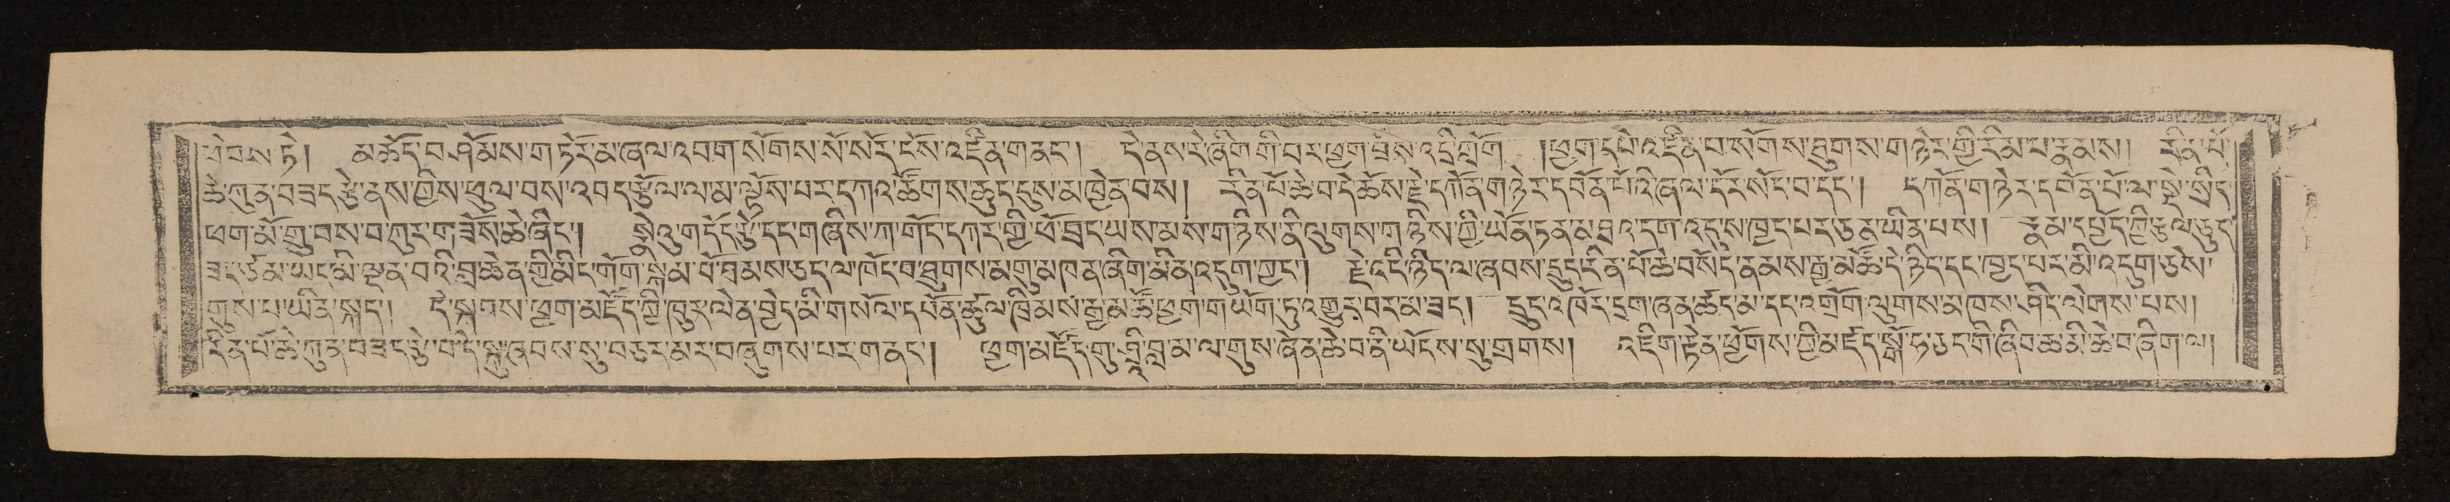ཕེབས་ཏེ། མཆོད་བཤོམས་གཏོར་མ་ཞལ་འབག་སོགས་སོ་སོར་ངོས་འཛིན་གནང་། དེ་ནས་རེ་ཞིག་གི་བར་ཕྱག་བྲིས་འདྲི་ཀློག །ཕྱག་དཔེ་འཛིན་པ་སོགས་ཐུགས་གཉེར་གྱི་རིམ་པ་རྣམས། རིན་པོ་
ཆེ་ཀུན་བཟང་རྩེ་ནས་ཀྱིས་ཕུལ་བས་འབད་རྩོལ་ལ་མ་ལྟོས་པར་དཀའ་ཚེགས་ཆུང་དུས་མཁྱེན་པས། རིན་པོ་ཆེ་བ་དེ་ཆོས་རྗེ་དཀོན་གཉེར་དབོན་པོའི་ཞལ་ངོར་སོང་བ་དང་། དཀོན་གཉེར་དཔོན་པོ་ལ་སྡེ་སྲིད་
ཕག་མོ་གྲུ་བས་བཀུར་གཟོས་ཆེ་ཞིང་། སྣེའུ་གདོང་རྩེ་དང་གཞིས་ཀ་གོང་དཀར་གྱི་ཕོ་བྲང་ཡས་མས་གཉིས་ནི་ལུགས་གཉིས་ཀྱི་ཡོན་ཏན་མཐའ་དག་འདུས་ཁྱད་པར་ཅན་ཡིན་པས། རྣམ་དཔྱོད་ཀྱི་རྩལ་ཅུང་
ཟད་ཙམ་ཡང་མི་ལྡན་པའི་བླ་ཆེན་གྱི་མིང་གོག་སྐམ་པོ་ཐམས་ཅད་ལ་ཁོང་བ་ཐུགས་མགུ་མཁན་ཞིག་མིན་འདུག་ཀྱང་། རྗེ་འདི་ཉིད་ལ་ཞབས་དྲུང་རིན་པོ་ཆེ་བསོད་ནམས་རྒྱ་མཚོ་དེ་ཉིད་དང་ཁྱད་པར་མི་འདུག་ཅེས་
གུས་པ་ཡིན་སྐད། དེ་སྐབས་ཕྱག་མཛོད་ཀྱི་ཁུར་ལེན་བྱེད་མི་གསོལ་དབོན་ཚུལ་ཁྲིམས་རྒྱ་མཚོ་ཕྱག་གཡོག་ཏུ་འགྱུར་བར་མ་ཟད། དྲུང་འཁོར་དྲག་ཞན་ཚང་མ་དང་འགྲོག་ལུགས་མཁས་ཤིང་ལེགས་པས།
རིན་པོ་ཆེ་ཀུན་བཟང་རྩེ་བ་དེ་སྐུ་ཞབས་སུ་བཅར་མར་བཞུགས་པར་གནང་། ཕྱག་མཛོད་གུ་ཤྲཱི་བླ་མ་ལ་གུས་ཞེན་ཆེ་བ་ནི་ཡོངས་སུ་གྲགས། འཇིག་རྟེན་ཕྱོགས་ཀྱི་མཛད་སྒོ་ཧ་ཅང་གི་ཞིབ་ཆ་མི་ཆེ་བ་ཞིག་ལ།